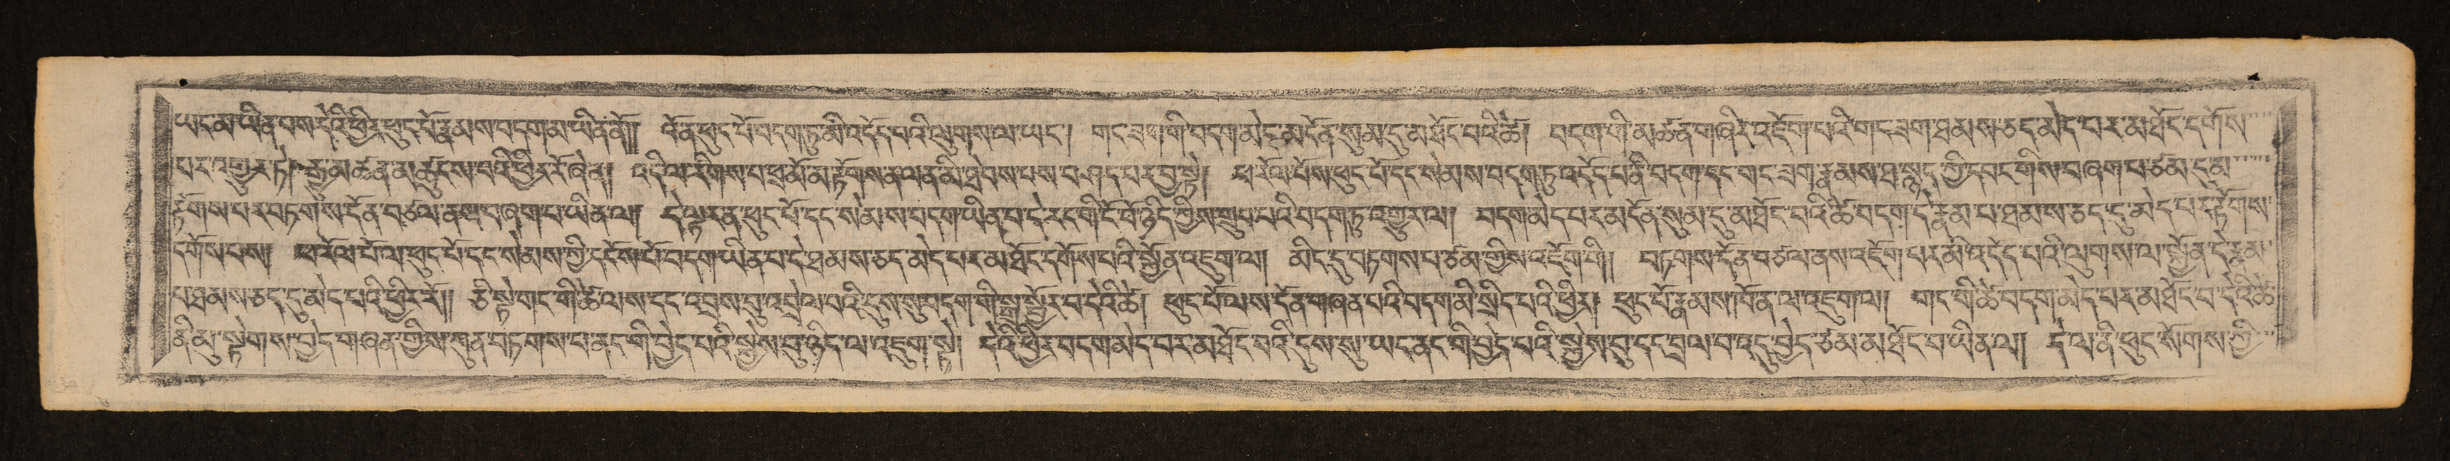ཡང་མ་ཡིན་པས་དེའི་ཕྱིར་ཕུང་པོ་རྣམས་བདག་མ་ཡིན་ནོ།། འོ་ན་ཕུང་པོ་བདག་ཏུ་མི་འདོད་པའི་ལུགས་ལ་ཡང་། གང་ཟག་གི་བདག་མེད་མངོན་སུམ་དུ་མཐོང་བའི་ཚེ། བདག་གི་མཚན་གཞིར་འཇོག་པའི་གང་ཟག་ཐམས་ཅད་མེད་པར་མཐོང་དགོས་
པར་འགྱུར་ཏེ། རྒྱུ་མཚན་མཚུངས་པའི་ཕྱིར་རོ་ཞེ་ན། འདི་ལ་རིགས་པ་ཕྲ་མོ་མ་རྟོགས་ན་ལན་མི་ཐེབས་པས་བཤད་པར་བྱ་སྟེ། ཕ་རོལ་པོས་ཕུང་པོ་དང་སེམས་བདག་ཏུ་འདོད་པ་ནི་བདག་དང་གང་ཟག་རྣམས་ཐ་སྙད་ཀྱི་དབང་གིས་བཞག་པ་ཙམ་དུ་མ་
རྟོགས་པར་བཏགས་དོན་བཙལ་ནས་བཞག་པ་ཡིན་ལ། དེ་ལྟར་ན་ཕུང་པོ་དང་སེམས་བདག་ཡིན་པ་དེ་རང་གི་ངོ་བོ་ཉིད་ཀྱིས་གྲུབ་པའི་བདག་ཏུ་འགྱུར་ལ། བདག་མེད་པར་མངོན་སུམ་དུ་མཐོང་བའི་ཚེ་བདག་དེ་རྣམ་པ་ཐམས་ཅད་དུ་མེད་པར་རྟོགས་
དགོས་པས། ཕ་རོལ་པོ་ལ་ཕུང་པོ་དང་སེམས་ཀྱི་དངོས་པོ་བདག་ཡིན་པ་དེ་ཐམས་ཅད་མེད་པར་མཐོང་དགོས་པའི་སྐྱོན་འཇུག་ལ། མིང་དུ་བཏགས་པ་ཙམ་གྱིས་འཇོག་གི། བཏགས་དོན་བཙལ་ནས་འཇོག་པར་མི་འདོད་པའི་ལུགས་ལ་སྐྱོན་དེ་རྣམ་
པ་ཐམས་ཅད་དུ་མེད་པའི་ཕྱིར་རོ།། ཅི་སྟེ་གང་གི་ཚེ་ལས་དང་འབྲས་བུ་འབྲེལ་བའི་དུས་སུ་བདག་གི་སྒྲ་སྦྱོར་བ་དེའི་ཚེ། ཕུང་པོ་ལས་དོན་གཞན་པའི་བདག་མི་སྲིད་པའི་ཕྱིར། ཕུང་པོ་རྣམས་ཁོ་ན་ལ་འཇུག་ལ། གང་གི་ཚེ་བདག་མེད་པར་མཐོང་བ་དེའི་ཚེ་
ནི་མུ་སྟེགས་བྱེད་གཞན་གྱིས་ཀུན་བཏགས་པ་ནང་གི་བྱེད་པའི་སྐྱེས་བུ་ཉིད་ལ་འཇུག་སྟེ། དེའི་ཕྱིར་བདག་མེད་པར་མཐོང་བའི་དུས་སུ་ཡང་ནང་གི་བྱེད་པའི་སྐྱེས་བུ་དང་བྲལ་བ་འདུ་བྱེད་ཙམ་མཐོང་བ་ཡིན་ལ། དེ་ལ་ནི་ཕུང་སོགས་ཀྱི་